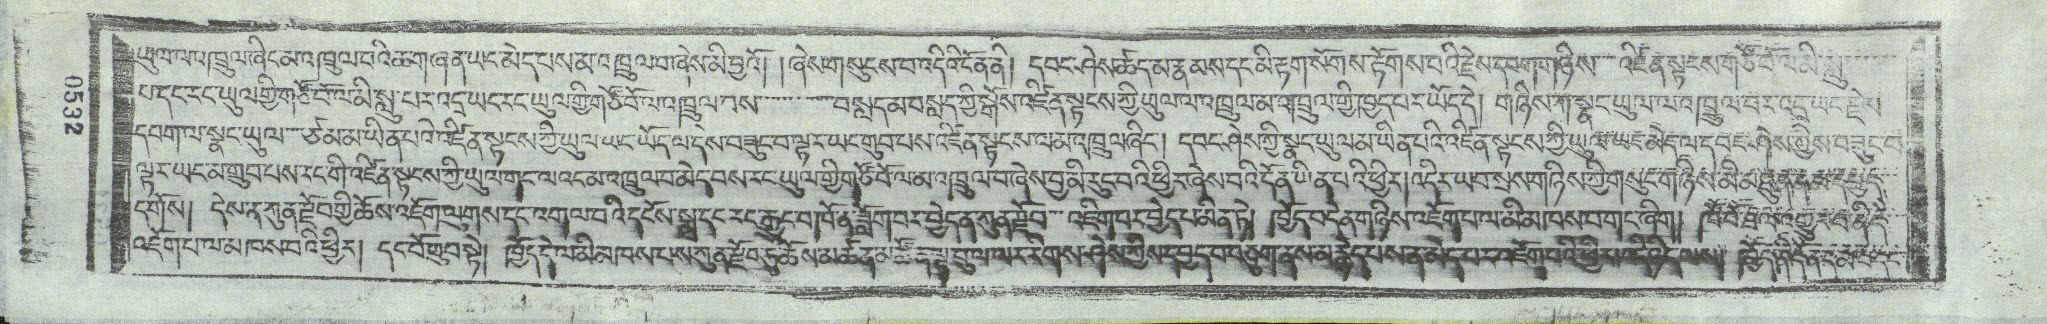ཡུལ་ལ་འཁྲུལ་ཞིང་མ་འཁྲུལ་བའི་ཆ་གཞན་ཡང་མེད་པས་མ་འཁྲུལ་པ་ཞེས་མི་བྱའོ། །ཞེས་གསུངས་པ་འདིའི་དོན་ནི། དབང་ཤེས་ཚད་མ་རྣམས་དང་མི་རྟག་སོགས་རྟོགས་པའི་རྗེས་དཔག་གཉིས་འཛིན་སྟངས་གཙོ་བོ་ལ་མི་སླུ་
པ་དང་རང་ཡུལ་གྱི་གཙོ་བོ་ལ་མི་སླུ་བར་འདྲ་ཡང་རང་ཡུལ་གྱི་གཙོ་བོ་ལ་འཁྲུལ་བས་བསླད་མ་བསླད་ཀྱི་སྒོས་འཛིན་སྟངས་ཀྱི་ཡུལ་ལ་འཁྲུལ་མ་འཁྲུལ་གྱི་ཁྱད་པར་ཡོད་དེ། གཉིས་ཀ་སྣང་ཡུལ་ལ་འཁྲུལ་བར་འདྲ་ཡང་རྗེས་
དཔག་ལ་སྣང་ཡུལ་ཙམ་མ་ཡིན་པའི་འཛིན་སྟངས་ཀྱི་ཡུལ་ཡང་ཡོད་ལ་དེས་བཟུང་བ་ལྟར་ཡང་གྲུབ་པས་འཛིན་སྟངས་ལམ་འཁྲུལ་ཞིང་། དབང་ཤེས་ཀྱི་སྣང་ཡུལ་མ་ཡིན་པའི་འཛིན་སྟངས་ཀྱི་ཡུལ་ཡང་མེད་ལ་དབང་ཤེས་ཀྱིས་བཟུང་བ་
ལྟར་ཡང་མ་གྲུབ་པས་རང་གི་འཛིན་སྟངས་ཀྱི་ཡུལ་གང་ལའང་མ་འཁྲུལ་བ་མེད་པས་རང་ཡུལ་གྱི་གཙོ་བོ་ལ་མ་འཁྲུལ་བ་ཞེས་བྱ་མི་རུང་བའི་ཕྱིར་ཞེས་པའི་དོན་ཡིན་པའི་ཕྱིར། འདིར་ཡབ་སྲས་གཉིས་ཀྱི་གསུང་གཉིས་མི་མཐུན་ནམ་དཔྱད་
དགོས། དེས་ན་ཀུན་རྫོབ་གྱི་ཆོས་འཇོག་ལུགས་དང་འགལ་བའི་དངོས་སྨྲ་དང་རང་རྒྱུད་བ་ཁོ་ན་ཟློག་པར་བྱེད་ན་ཀུན་རྫོབ་འཇིག་པར་བྱེད་པ་མིན་ཏེ། ཁྱོད་བདེན་གཉིས་འཇོག་པ་ལ་མི་མཁས་པ་གང་ཞིག །ཁོ་བོ་ཐལ་འགྱུར་བ་ནི་དེ་
འཇོག་པ་ལ་མཁས་པའི་ཕྱིར། དང་པོ་གྲུབ་སྟེ། ཁྱོད་དེ་ལ་མི་མཁས་པས་ཀུན་རྫོབ་ཏུ་ཆོས་མཚོན་མཚོན་ལྟ་བུ་ལ་ལར་རིགས་ཤེས་ཀྱིས་དཔྱད་པ་བཅུག་ནས་མ་རྙེད་པས་ན་མེད་པར་འཇོག་པའི་ཕྱིར། འདི་ཉིད་ལས། ཁྱོད་ནི་དོན་དམ་པ་དང་